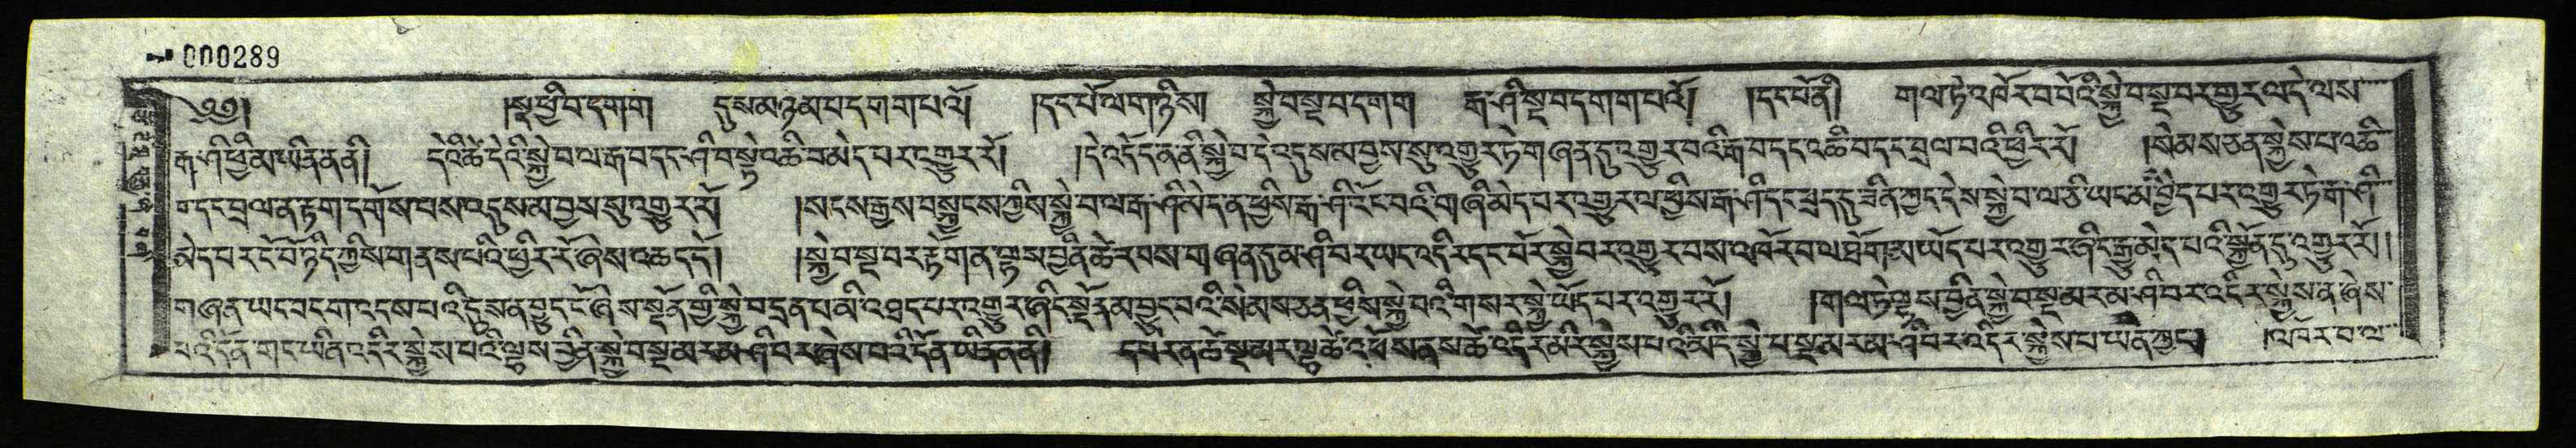༄༅། །སྔ་ཕྱི་བ་དགག་དུས་མཉམ་པ་དགག་པའོ། །དང་པོ་ལ་གཉིས། སྐྱེ་བ་སྔ་བ་དགག་རྒ་ཤི་སྔ་བ་དགག་པའོ། །དང་པོ་ནི། གལ་ཏེ་འཁོར་བ་པོའི་སྐྱེ་བ་སྔ་བར་གྱུར་ལ་དེ་ལས་
རྒ་ཤི་ཕྱི་མ་ཡིན་ན་ནི། དེའི་ཚེ་དེའི་སྐྱེ་བ་ལ་རྒ་བ་དང་ཤི་བ་སྟེ་འཆི་བ་མེད་པར་འགྱུར་རོ། །དེ་འདོད་ན་ནི་སྐྱེ་བ་དེ་འདུས་མ་བྱས་སུ་འགྱུར་ཏེ་གཞན་དུ་འགྱུར་བའི་རྒ་བ་དང་འཆི་བ་དང་བྲལ་བའི་ཕྱིར་རོ། །སེམས་ཅན་སྐྱེས་པ་འཆི་
བ་དང་བྲལ་ན་རྟག་དགོས་བས་འདུས་མ་བྱས་སུ་འགྱུར་རོ། །སངས་རྒྱས་བསྐྱངས་ཀྱིས་སྐྱེ་བ་ལ་རྒ་ཤི་མེད་ན་ཕྱིས་རྒ་ཤི་འོང་བའི་གཞི་མེད་པར་འགྱུར་ལ་ཕྱིས་རྒ་ཤི་དང་ཕྲད་དུ་ཟིན་ཀྱང་དེས་སྐྱེ་བ་ལ་ཅི་ཡང་མི་བྱེད་པར་འགྱུར་ཏེ་རྒ་ཤི་
མེད་པར་ངོ་བོ་ཉིད་ཀྱིས་གནས་པའི་ཕྱིར་རོ་ཞེས་འཆད་དོ། །སྐྱེ་བ་སྔ་བར་རྟོག་ན་ལྷས་བྱིན་ཚེ་རབས་གཞན་དུ་མ་ཤི་བར་ཡང་འདིར་དང་པོར་སྐྱེ་བར་འགྱུར་བས་འཁོར་བ་ལ་ཐོག་མ་ཡོད་པར་འགྱུར་ཞིང་རྒྱུ་མེད་པའི་སྐྱོན་དུ་འགྱུར་རོ།།
གཞན་ཡང་བདག་འདས་པའི་དུས་ན་བྱུང་ངོ་ཞེས་སྔོན་གྱི་སྐྱེ་བ་དྲན་པ་མི་འཐད་པར་འགྱུར་ཞིང་སྔོན་མ་བྱུང་བའི་སེམས་ཅན་ཕྱིས་སྐྱེ་བའི་གསར་སྐྱེ་ཡོད་པར་འགྱུར་རོ། །གལ་ཏེ་ལྷས་བྱིན་སྐྱེ་བ་སྔ་མར་མ་ཤི་བར་འདིར་སྐྱེས་ན་ཞེས་
པའི་དོན་གང་ཡིན་འདིར་སྐྱེས་པའི་ལྷས་བྱིན་སྐྱེ་བ་སྔ་མར་མ་ཤི་བར་ཞེས་པའི་དོན་ཡིན་ན་ནི། དཔེར་ན་ཚེ་སྔ་མར་ལྷ་ཚེ་འཕོས་ནས་ཚེ་འདིར་མིར་སྐྱེས་པའི་མི་དེ་སྐྱེ་བ་སྔ་མར་མ་ཤི་བར་འདིར་སྐྱེས་པ་ཡིན་ཀྱང་། །འཁོར་བ་ལ་